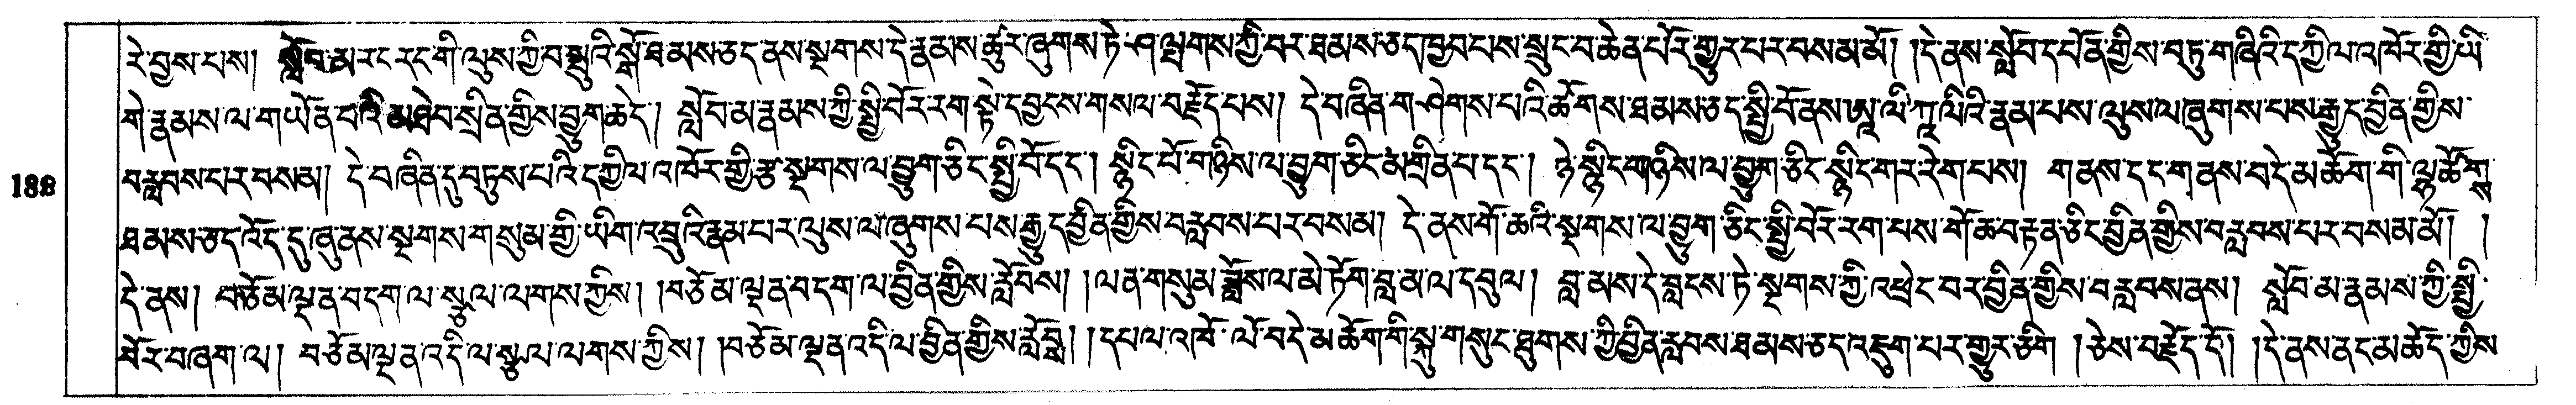རེ་བྱས་པས། སློབ་མ་རང་རང་གི་ལུས་ཀྱི་བ་སྤུའི་སྒོ་ཐམས་ཅད་ནས་སྔགས་དེ་རྣམས་ཚུར་ཞུགས་ཏེ་ཤ་ལྤགས་ཀྱི་བར་ཐམས་ཅད་ཁྱབ་པས་སྲུང་བ་ཆེན་པོར་གྱུར་པར་བསམ་མོ། །དེ་ནས་སློབ་དཔོན་གྱིས་བཏུ་གཞིའི་དཀྱིལ་འཁོར་གྱི་ཡི་
གེ་རྣམས་ལ་གཡོན་པའི་མཐེབ་སྲིན་གྱིས་བྱུག་ཆེད། སློབ་མ་རྣམས་ཀྱི་སྤྱི་བོར་རག་སྟེ་དབྱངས་གསལ་བརྗོད་པས། དེ་བཞིན་གཤེགས་པའི་ཚོགས་ཐམས་ཅད་སྤྱི་བོ་ནས་ཨཱ་ལི་ཀཱ་ལིའི་རྣམ་པས་ལུས་ལ་ཞུགས་པས་རྒྱུད་བྱིན་གྱིས་
བརླབས་པར་བསམ། དེ་བཞིན་དུ་བཏུས་པའི་དཀྱིལ་འཁོར་གྱི་རྩ་སྔགས་ལ་བྱུག་ཅིང་སྤྱི་བོ་དང་། སྙིང་པོ་གཉིས་ལ་བྱུག་ཅིང་མགྲིན་པ་དང་། ཉེ་སྙིང་གཉིས་ལ་བྱུག་ཅིང་སྙིང་གར་རེག་པས། གནས་དང་གནས་བདེ་མཆོག་གི་ལྷ་ཚོགས་
ཐམས་ཅད་འོད་དུ་ཞུ་ནས་སྔགས་གསུམ་གྱི་ཡིག་འབྲུའི་རྣམ་པར་ལུས་ལ་ཞུགས་པས་རྒྱུད་བྱིན་གྱིས་བརླབས་པར་བསམ། དེ་ནས་གོ་ཆའི་སྔགས་ལ་བྱུག་ཅིང་སྤྱི་བོར་རག་པས་གོ་ཆ་བརྟན་ཅིང་བྱིན་གྱིས་བརླབས་པར་བསམ་མོ། །
དེ་ནས། བཅོམ་ལྡན་བདག་ལ་སྩལ་ལགས་ཀྱིས། །བཅོམ་ལྡན་བདག་ལ་བྱིན་གྱིས་རློབས། །ལན་གསུམ་ཟློས་ལ་མེ་ཏོག་བླ་མ་ལ་དབུལ། བླ་མས་དེ་བླངས་ཏེ་སྔགས་ཀྱི་འཕྲེང་བར་བྱིན་གྱིས་བརླབས་ནས། སློབ་མ་རྣམས་ཀྱི་སྤྱི་
བོར་བཞག་ལ། བཅོམ་ལྡན་འདི་ལ་སྩལ་ལགས་ཀྱིས། །བཅོམ་ལྡན་འདི་ལ་བྱིན་གྱིས་རློབས། །དཔལ་འཁོ་ལོ་བདེ་མཆོག་གི་སྐུ་གསུང་ཐུགས་ཀྱི་བྱིན་རླབས་ཐམས་ཅད་འཇུག་པར་གྱུར་ཅིག །ཅེས་བརྗོད་དོ། །དེ་ནས་ནང་མཆོད་ཀྱིས་